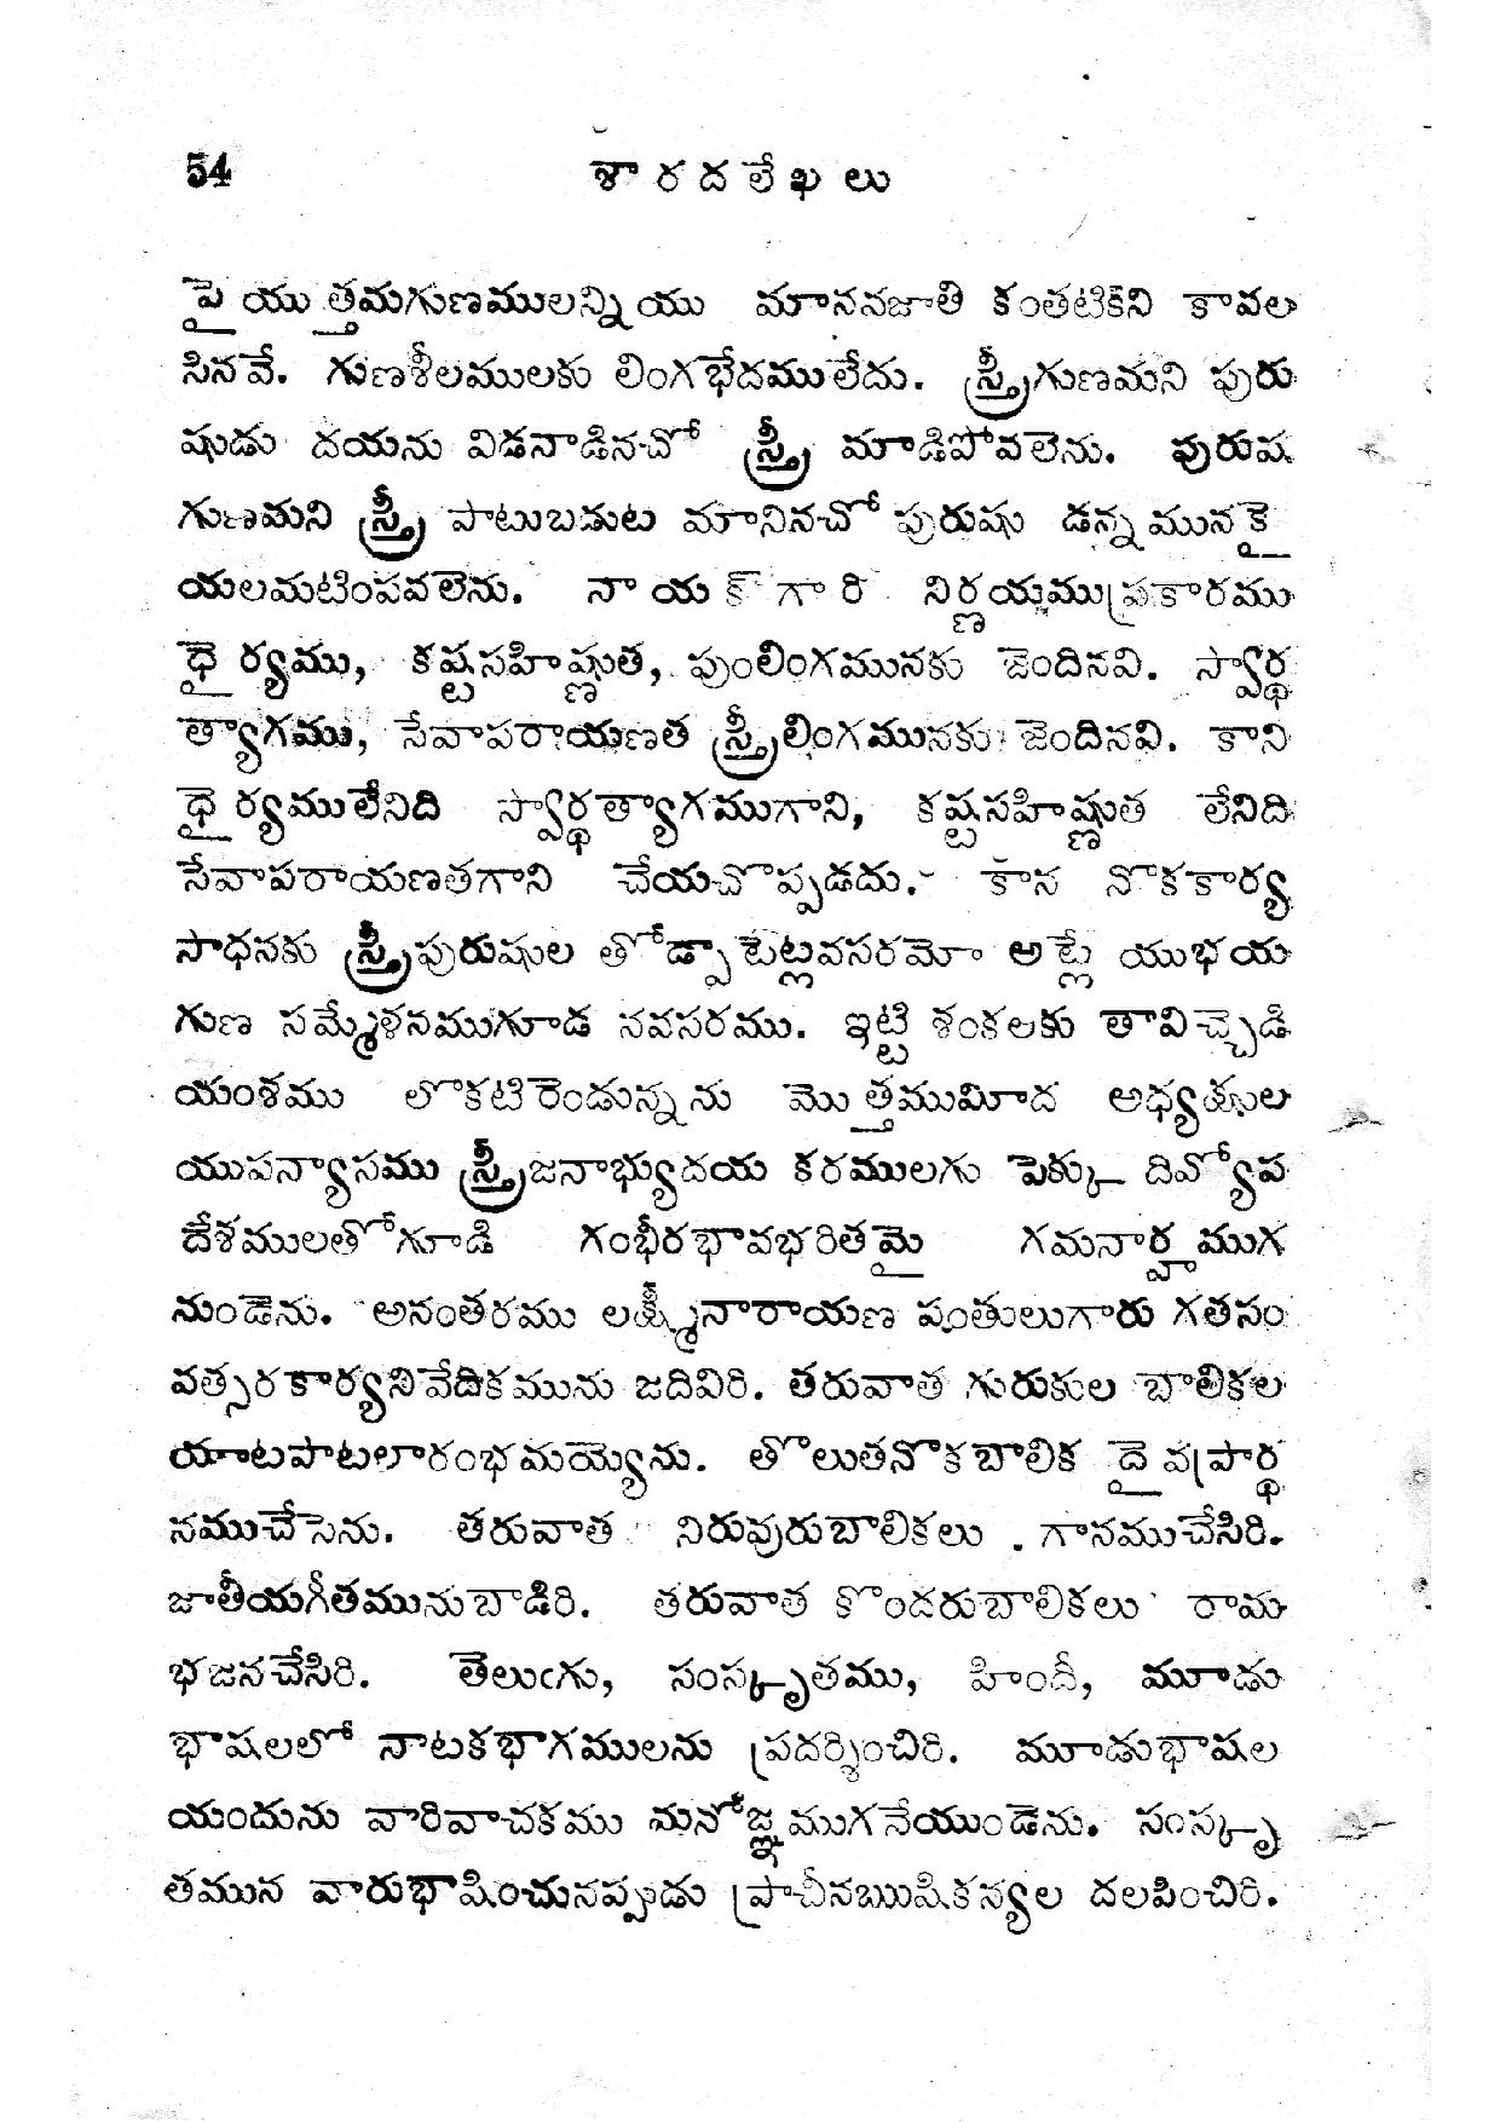పైయుత్తమగుణములన్నియు మానవజాతి కంతటికిని కావలసినవే. గుణశీలములకు లింగభేదములేదు. స్త్రీగుణమని పురుషుడు దయను విడనాడినచో స్త్రీ మాడిపోవలెను. పురుషగుణమని స్త్రీ పాటుబడుట మానినచో పురుషు డన్నమునకై యలమటింపవలెను. నాయక్ గారి నిర్ణయముప్రకారము ధైర్యము, కష్టసహిష్ణుత, పుంలింగమునకు చెందినవి. స్వార్థత్యాగము, సేవాపరాయణత స్త్రీలింగమునకు జెందినవి. కాని ధైర్యములేనిది స్వార్థత్యాగముగాని, కష్టసహిష్ణుత లేనిది సేవాపరాయణతగాని చేయచొప్పడదు. కాన నొకకార్య సాధనకు స్త్రీపురుషుల తోడ్పాటెట్లవసరమో అట్లే యుభయగుణ సమ్మేళనముగూడ నవసరము. ఇట్టి శంకలకు తావిచ్చెడి యంశము లొకటిరెండున్నను మొత్తముమీద అధ్యక్షుల యుపన్యాసము స్త్రీజనాభ్యుదయ కరములగు పెక్కు దివ్యోపదేశములతోగూడి గంభీరభావభరితమై గమనార్హముగ నుండెను. అనంతరము లక్ష్మీనారాయణ పంతులుగారు గతసంవత్సరకార్యనివేదికమును జదివిరి. తరువాత గురుకుల బాలికల యాటపాటలారంభమయ్యెను. తొలుతనొకబాలిక దైవప్రార్థనముచేసెను. తరువాత నిరువురుబాలికలు గానముచేసిరి. జాతీయగీతమునుబాడిరి. తరువాత కొందరుబాలికలు రామభజనచేసిరి.
తెలుఁగు, సంస్కృతము, హిందీ, మూడుభాషలలో నాటకభాగములను ప్రదర్శించిరి. మూడుభాషల
యందును వారివాచకము మనోజ్ఞముగనేయుండెను. సంస్కృతమున వారుభాషించునప్పుడు ప్రాచీనఋషికన్యల దలపించిరి.